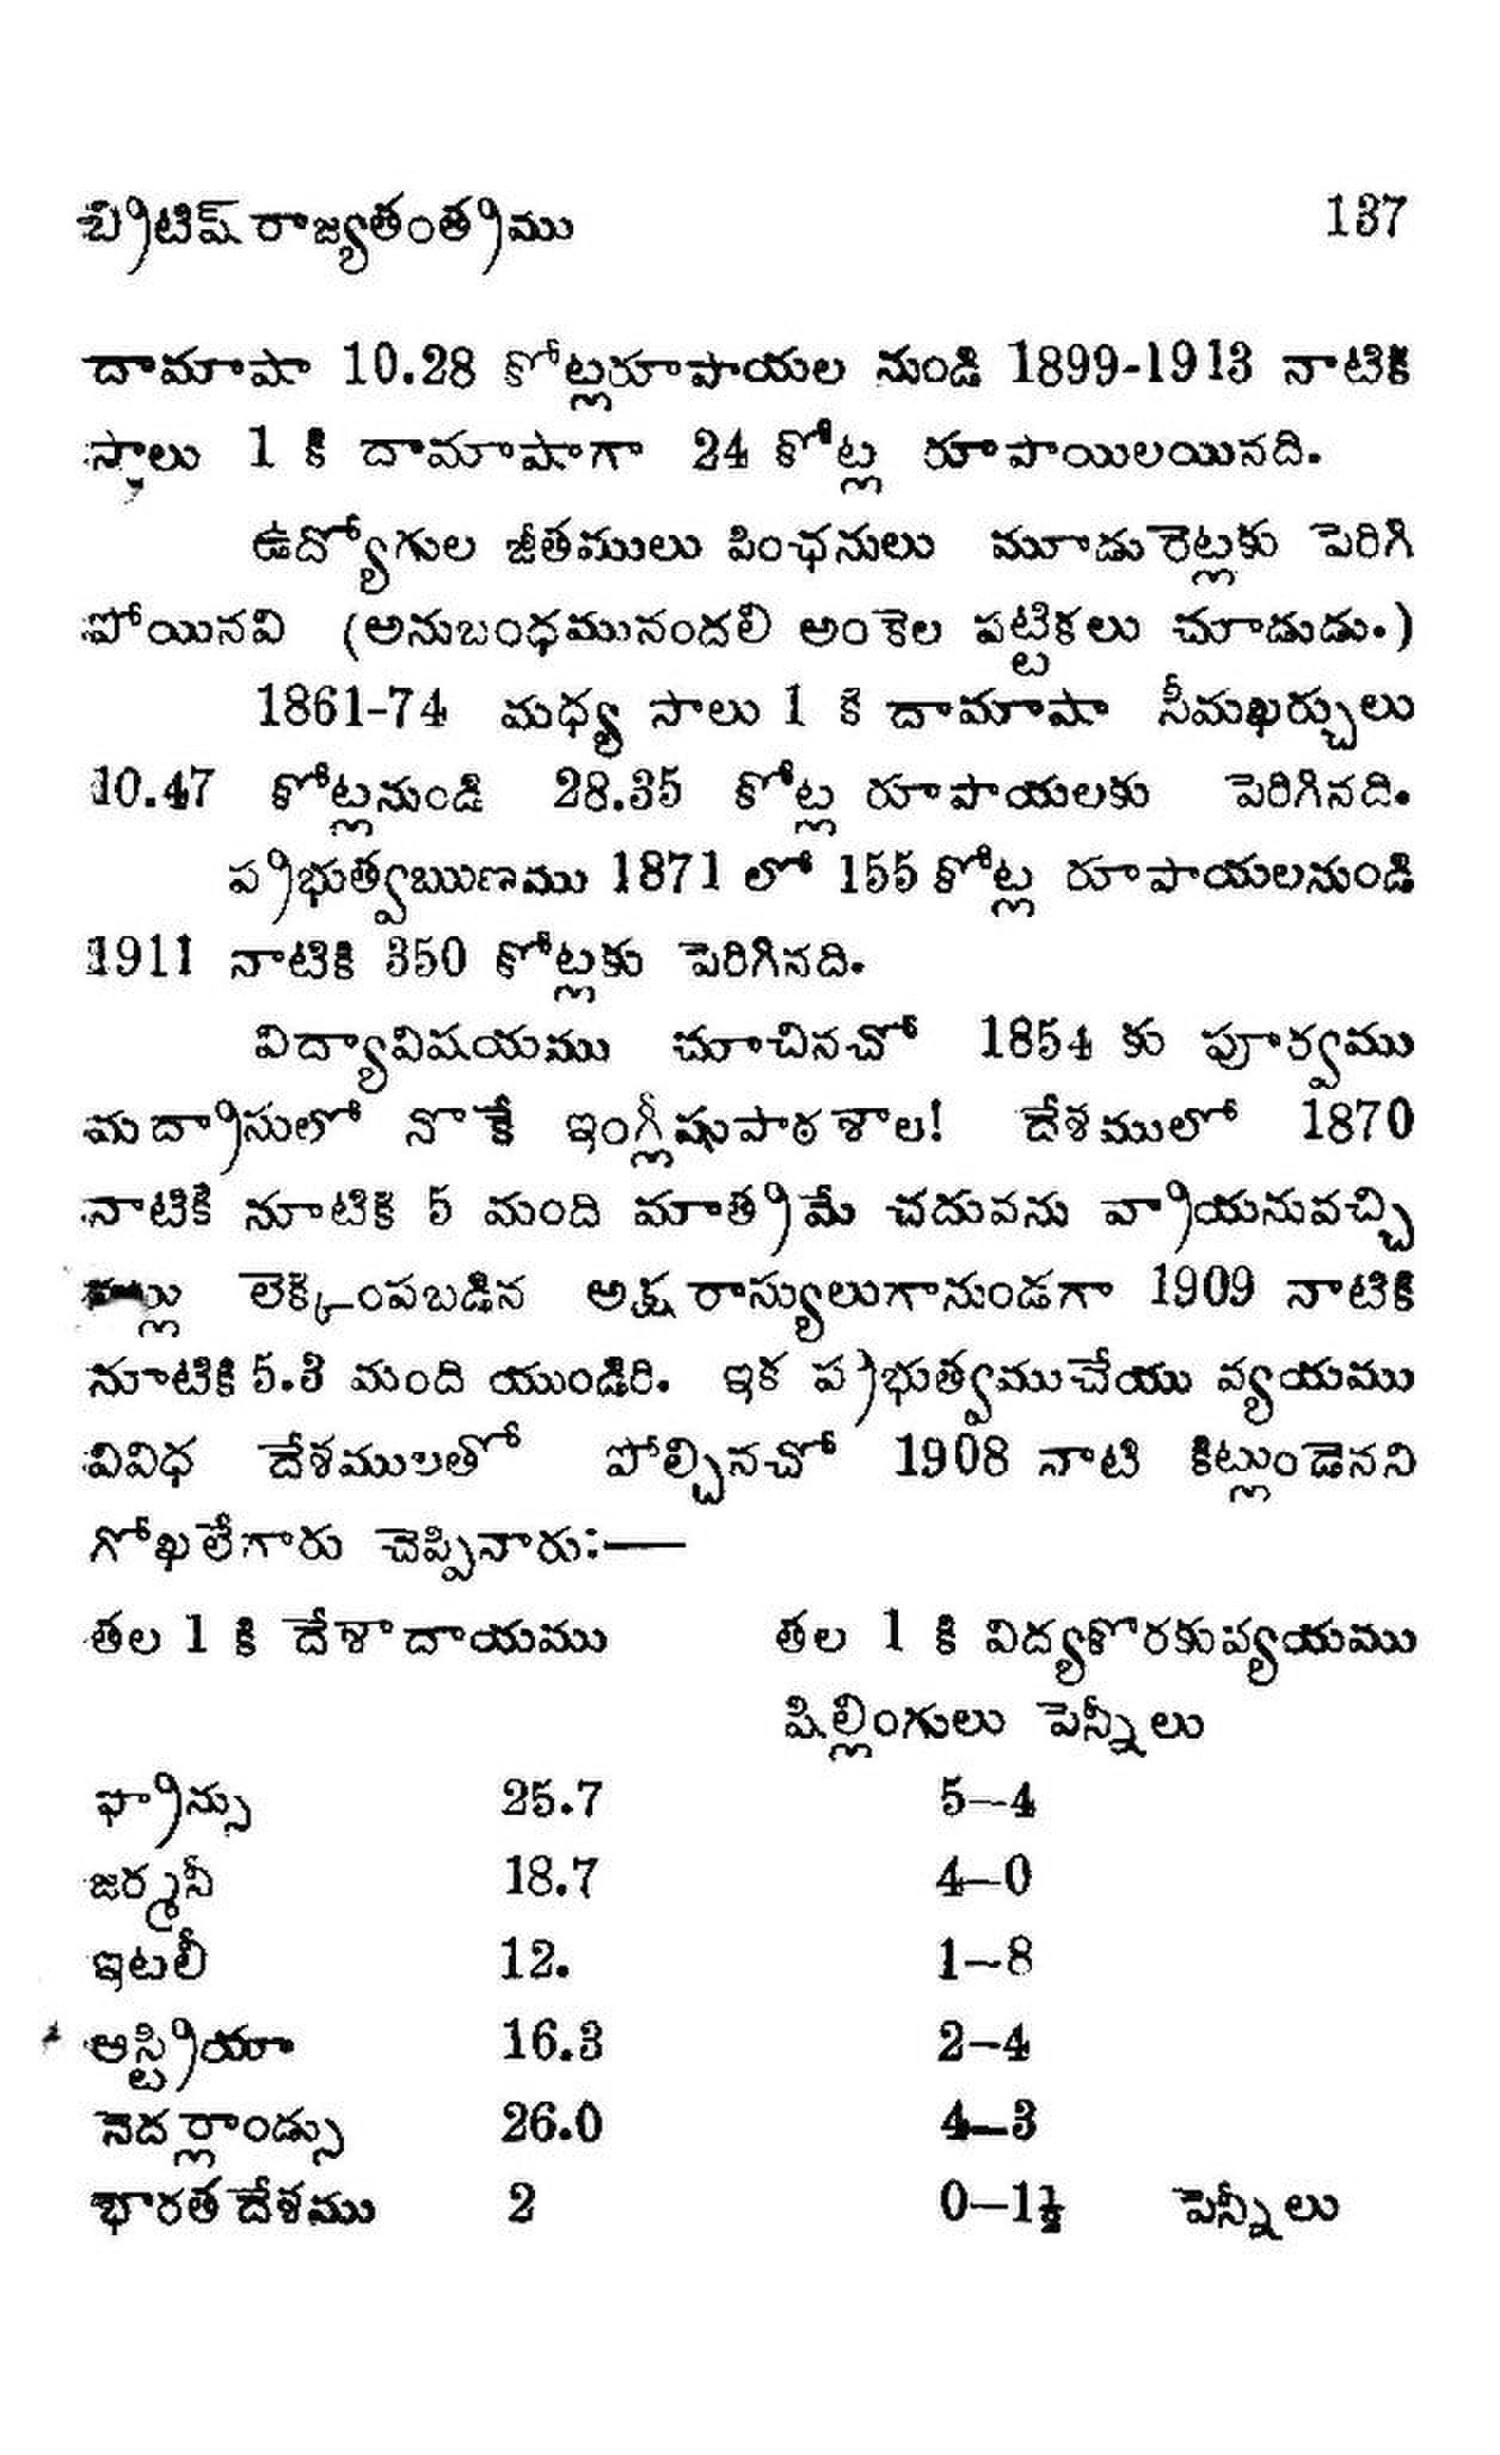దామాషా 10.28 కోట్లరూపాయల నుండి 1899-1913 నాటికి సాలు 1 కి దామాషాగా 24 కోట్ల రూపాయిలయినది.

ఉద్యోగుల జీతములు పింఛనులు మూడురెట్లకు పెరిగిపోయినవి (అనుబంధమునందలి అంకెల పట్టికలు చూడుడు. )

1861-74 మధ్య సాలు 1 కి దామాషా సీమఖర్చులు 10.47 కోట్లనుండి 28.35 కోట్ల రూపాయలకు పెరిగినది.

ప్రభుత్వఋణము 1871 లో 155 కోట్ల రూపాయలనుండి 1911 నాటికి 350 కోట్లకు పెరిగినది.

విద్యావిషయము చూచినచో 1854 కు పూర్వము మద్రాసులో నొకే ఇంగ్లీషుపాఠశాల! దేశములో 1870 నాటికి నూటికి 5 మంది మాత్రమే చదువను వ్రాయనువచ్చినట్లు లెక్కింపబడిన అక్షరాస్యులుగానుండగా 1909 నాటికి నూటికి 5.3 మంది యుండిరి. ఇక ప్రభుత్వము చేయు వ్యయము వివిధ దేశములతో పోల్చినచో 1908 నాటి కిట్లుండెనని గోఖలేగారు చెప్పినారు:-

 దేశము తల 1కి దేశాదాయము తల 1కి విద్యకొరకువ్యయము షిల్లింగులు పెన్నీలు ఫ్రాన్సు 25.7 5-4 జర్మనీ 18.7 4-0 ఇటలీ 12. 1-8 ఆస్ట్రియా 16.3 2-4 నెదర్లాండ్సు 26.0 4-3 భారతదేశము 2 0-1 1/2 పెన్నీలు